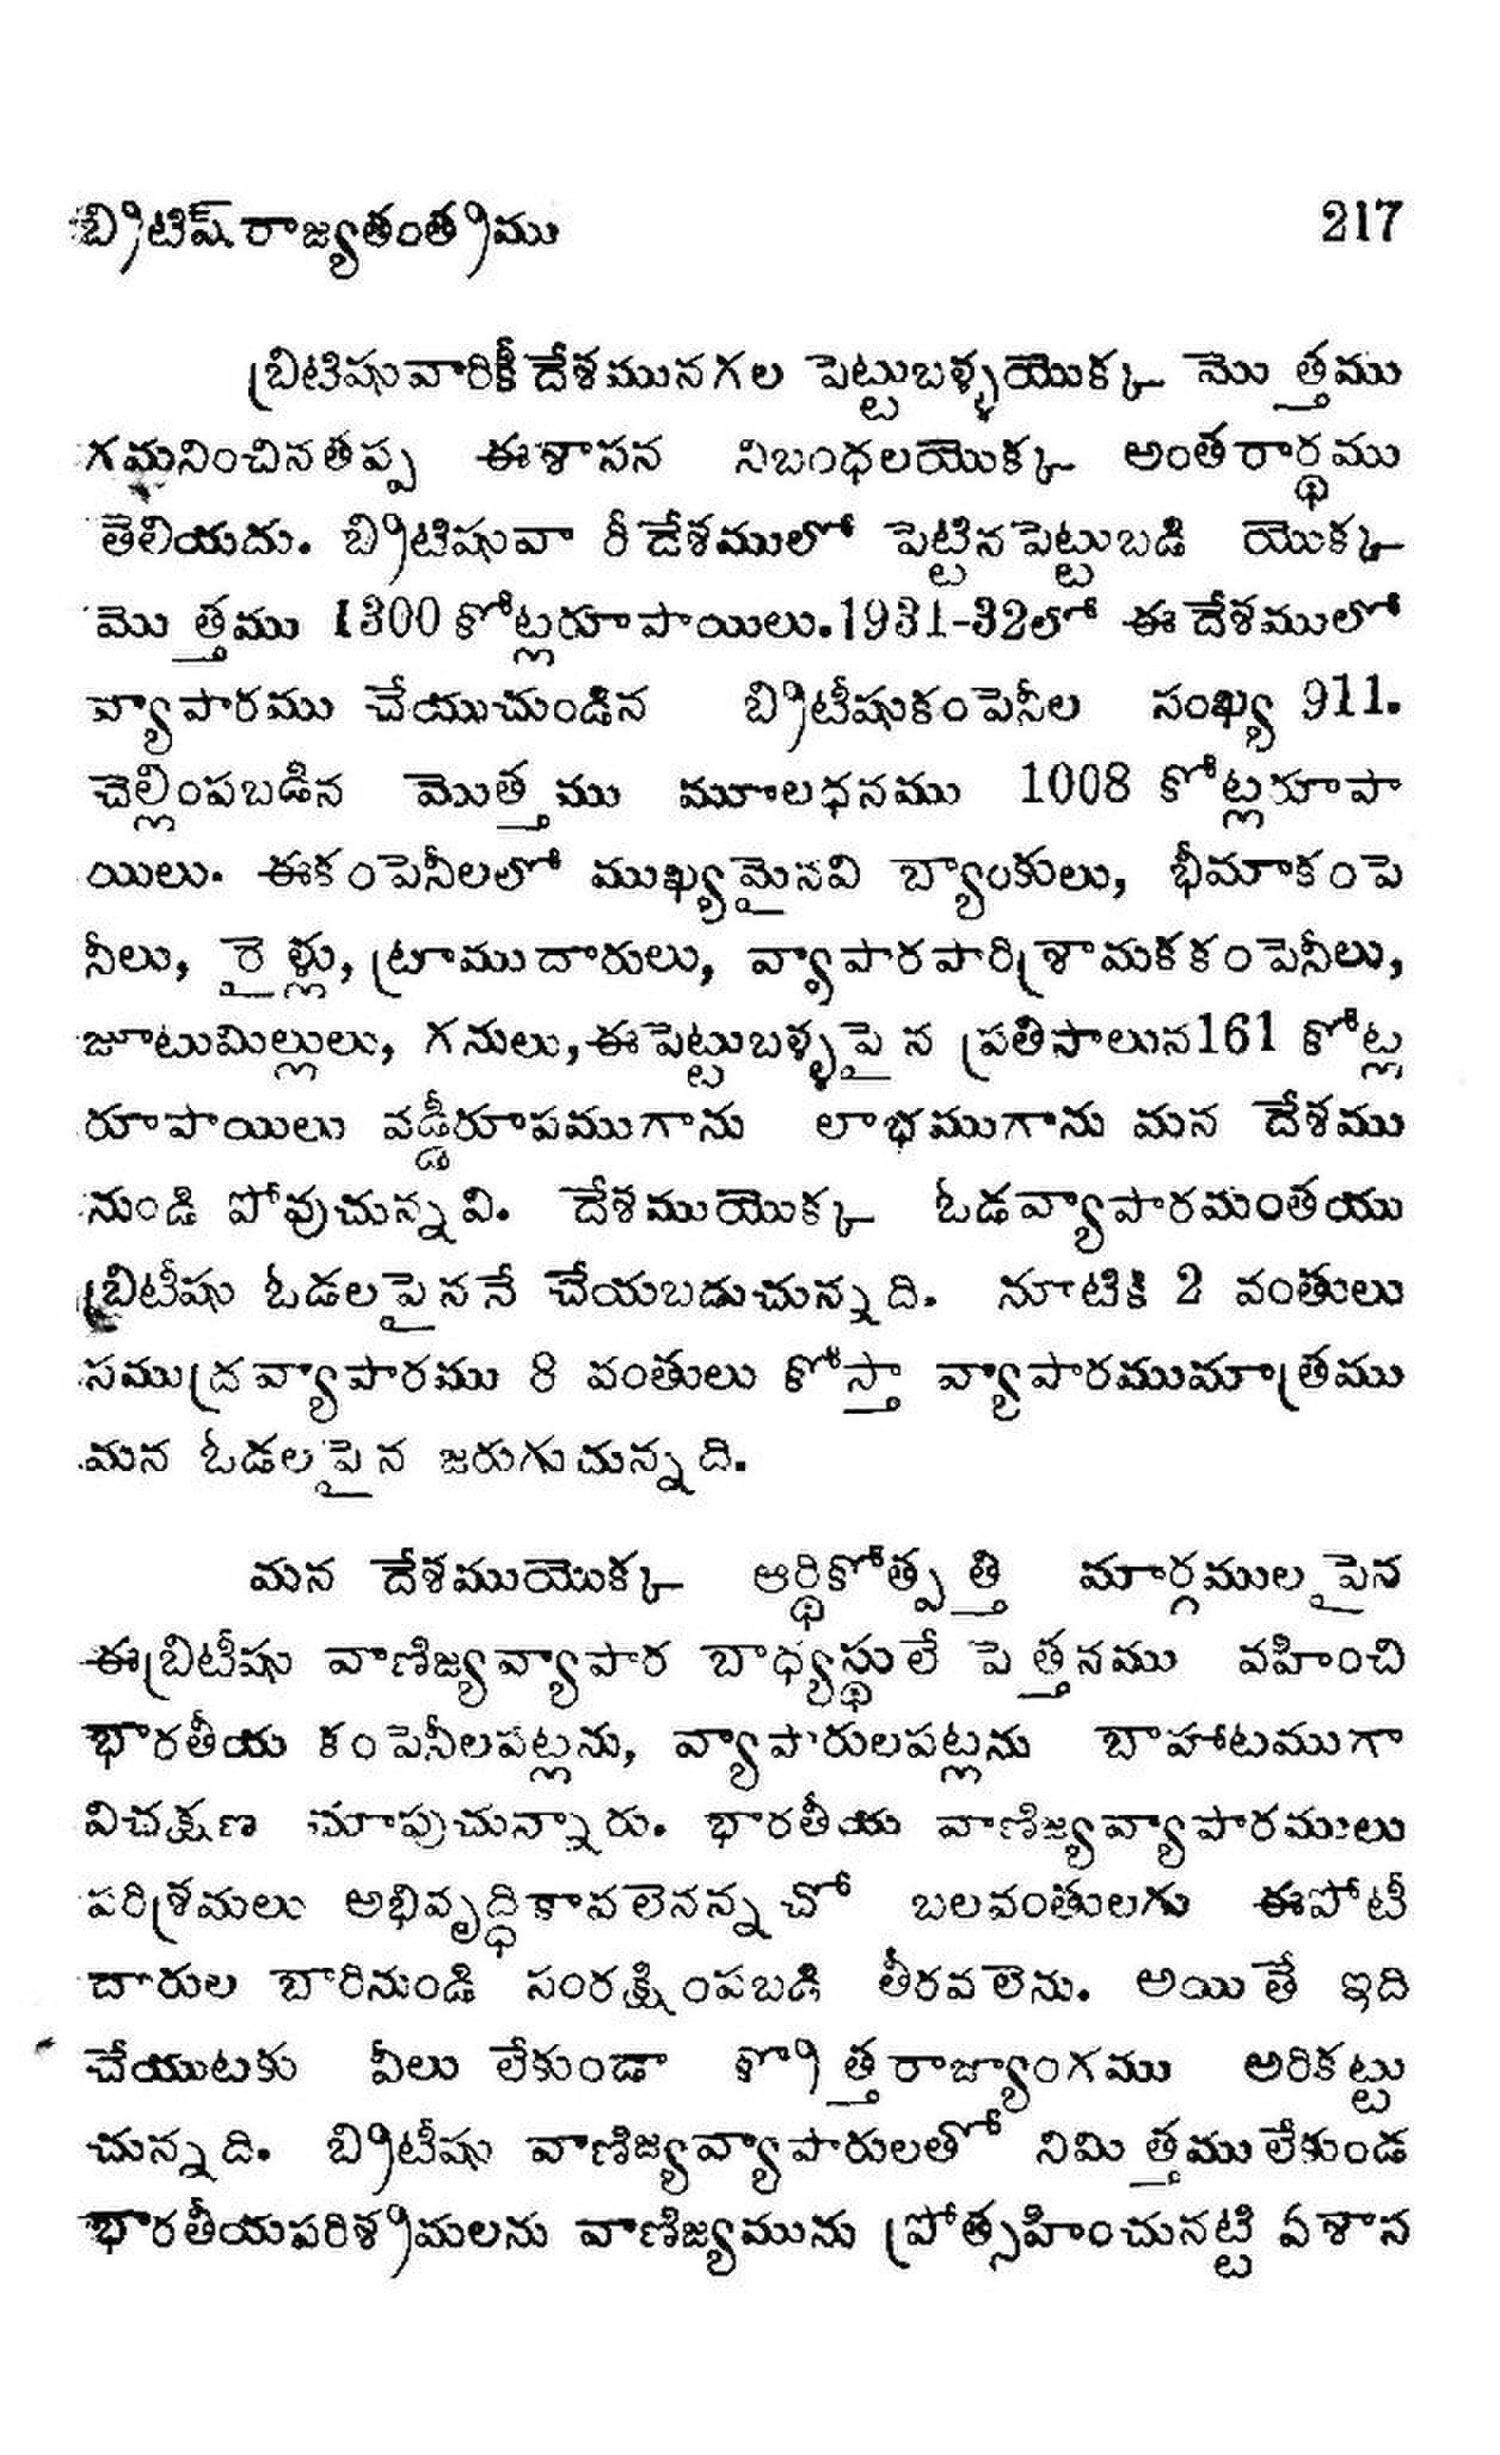బ్రిటిషువారికీదేశమునగల పెట్టుబళ్ళయొక్క మొత్తము గమనించినతప్ప ఈశాసన నిబంధనలయొక్క అంతరార్థము తెలియదు. బ్రిటిషువా రీదేశములో పెట్టినపెట్టుబడి యొక్క మొ త్తము 1300 కోట్లరూపాయిలు. 1931-32లో ఈదేశములో వ్యాపారము చేయుచుండిన బ్రిటీషుకంపెనీల సంఖ్య 911. చెల్లింపబడిన మొత్తము మూలధనము 1008 కోట్లరూపాయిలు. ఈకంపెనీలలో ముఖ్యమైనవి బ్యాంకులు, భీమాకంపెనీలు, రైళ్లు, ట్రాముదారులు, వ్యాపారపారిశ్రామక కంపెనీలు, జూటుమిల్లులు, గనులు, ఈపెట్టుబళ్ళపైన ప్రతిసాలున 161 కోట్ల రూపాయిలు వడ్డీరూపముగాను లాభముగాను మన దేశమునుండి పోవుచున్నవి. దేశముయొక్క ఓడవ్యాపారమంతయు బ్రిటీషు ఓడలపైననే చేయబడుచున్నది. నూటికి 2 వంతులు సముద్రవ్యాపారము 8 వంతులు కోస్తా వ్యాపారముమాత్రము మన ఓడలపైన జరుగుచున్నది.

మన దేశముయొక్క ఆర్ధికోత్పత్తి మార్గములపైన ఈబ్రిటీషు వాణిజ్యవ్యాపార బాధ్యస్థులే పెత్తనము వహించి భారతీయ కంపెనీలపట్లను, వ్యాపారులపట్లను బాహాటముగా విచక్షణ చూపుచున్నారు. భారతీయ వాణిజ్యవ్యాపారములు పరిశ్రమలు అభివృద్ధికావలెనన్న చో బలవంతులగు ఈపోటీదారుల బారినుండి సంరక్షింపబడి తీరవలెను. అయితే ఇది చేయుటకు వీలు లేకుండా క్రొత్తరాజ్యాంగము అరికట్టుచున్నది. బ్రిటీషు వాణిజ్యవ్యాపారులతో నిమిత్తములేకుండ భారతీయపరిశ్రమలను వాణిజ్యమును ప్రోత్సహించునట్టి ఏశాస